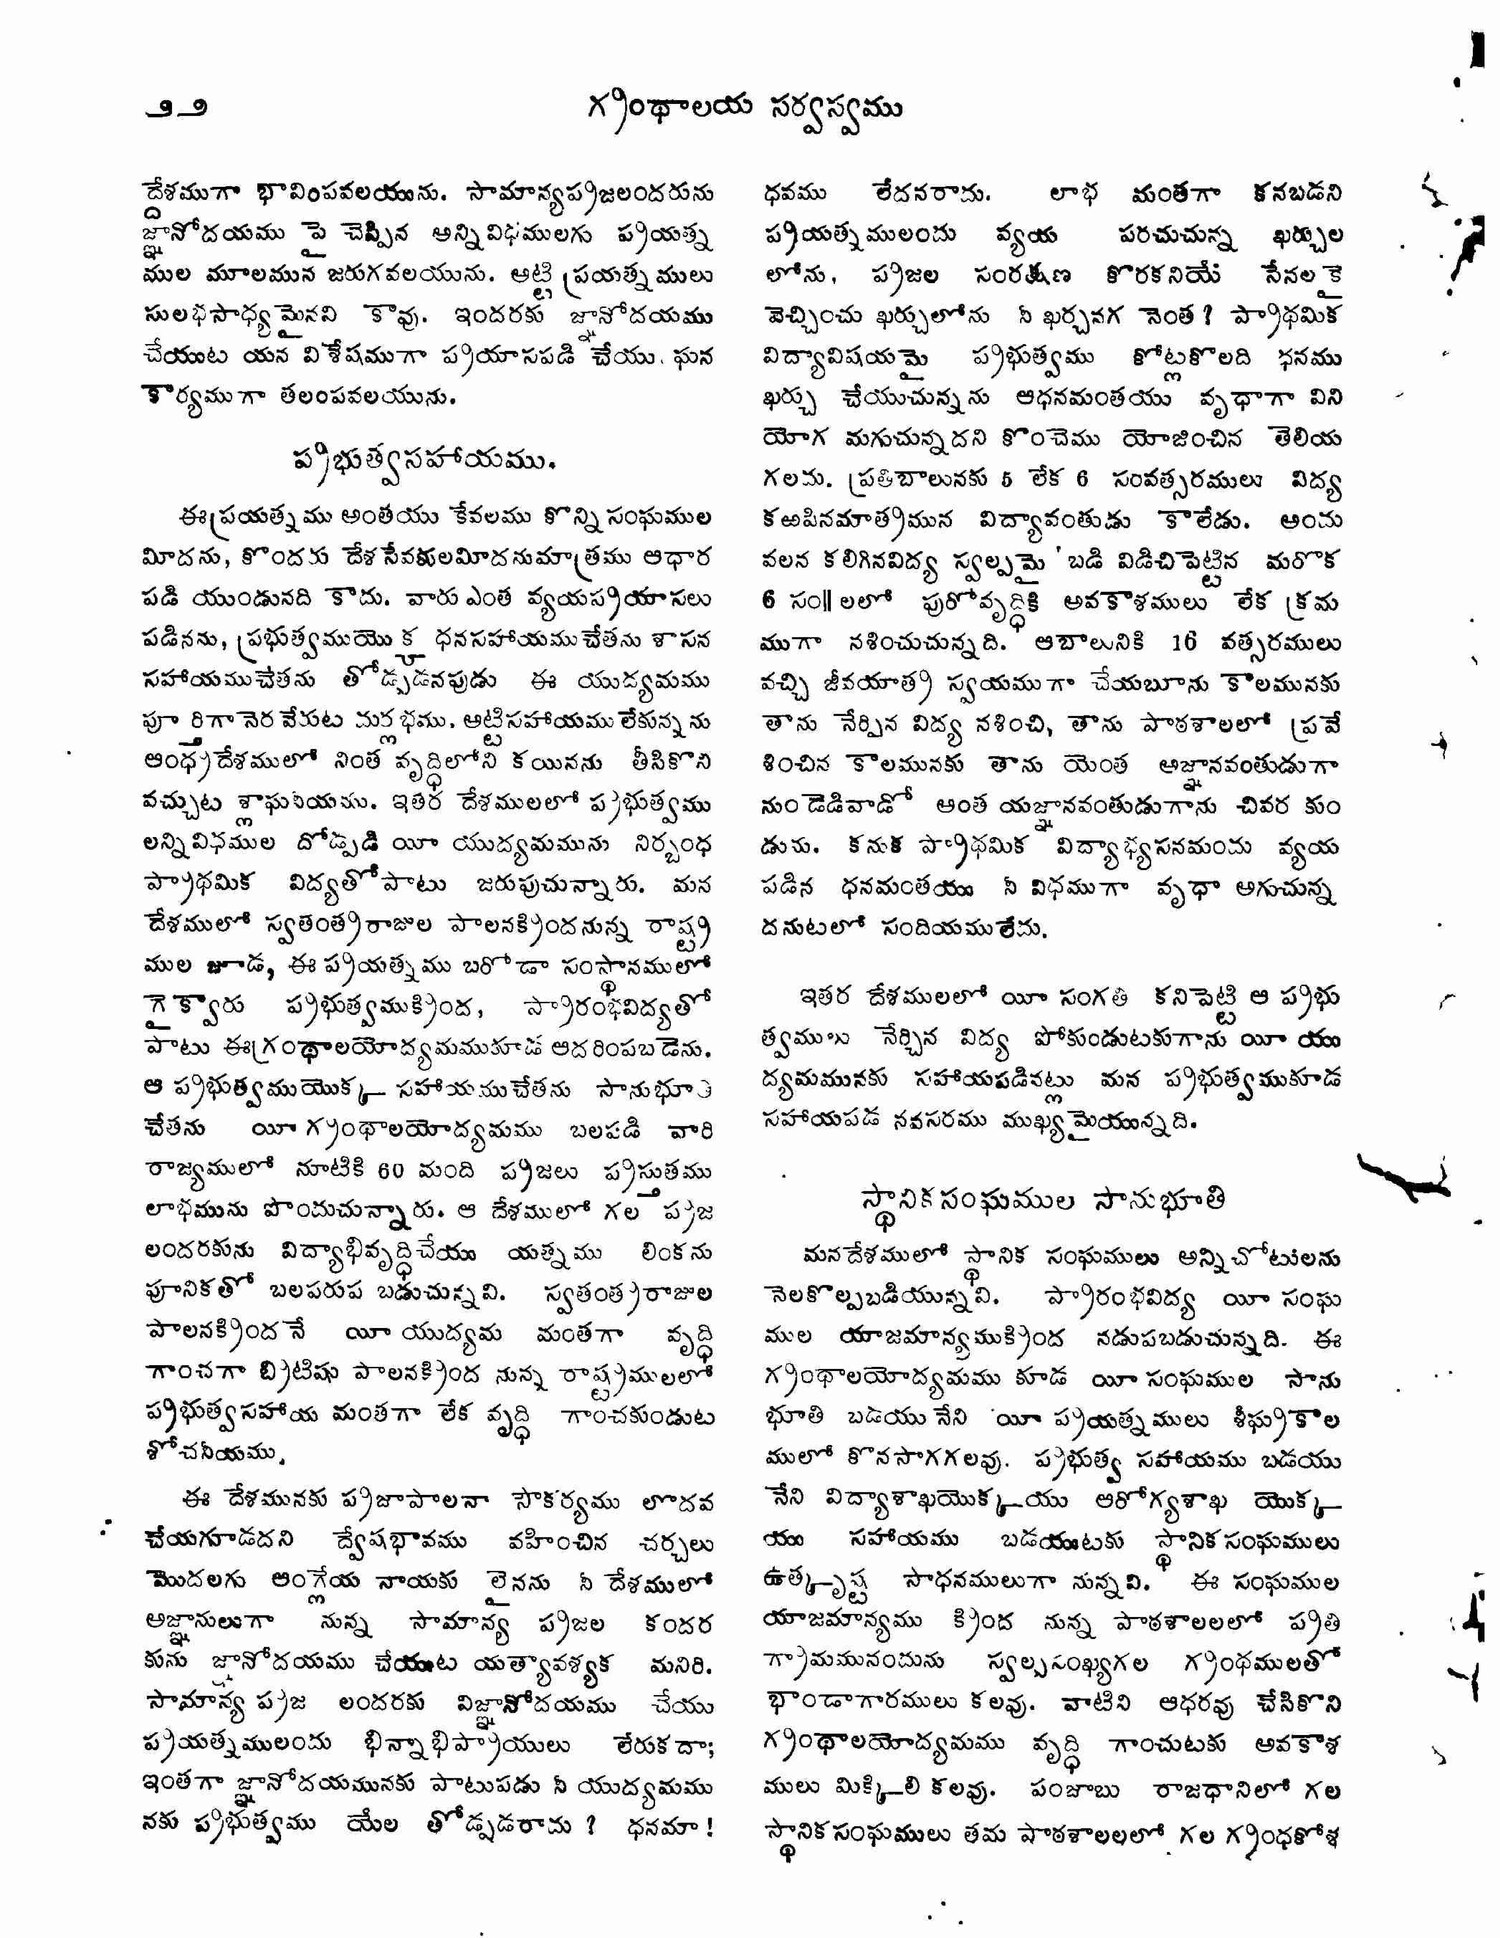దేశముగా భావింపవలయును. సామాన్య ప్రజలందరును ఙ్ఞానోదయము పె చెప్పిన అన్ని విధములగు ప్రయత్నముల మూలమున జరుగవలయును. అట్టి ప్రయత్నములు సులభసాధ్యమైనవి కావు. ఇందరకు జ్ఞానోదయము చేయుట యన విశేషముగా ప్రయాసపడి చేయు ఘనకార్యముగా తలంపవలయును.

ఈప్రయత్నము అంతయు కేవలము కొన్ని సంఘముల మీదను, కొందరు దేశ సేవకుల మీదను మాత్రము ఆధారపడి యుండునది కాదు. వారు ఎంత వ్యయప్రయాసలు పడినను, ప్రభుత్వముయొక ధనసహాయము చేతను శాసన సహాయముచేతను తోడ్పడనపుడు 
ఈ యుద్యమము పూర్తిగా నెర వేరుట దుర్బలము. అట్టి సహాయము లేకున్నను అంధ్రదేశములో నింత వృద్ధిలోని కయినను తీసికొని
వచ్చుట శ్లాఘనీయము. ఇతర దేశములలో ప్రభుత్వము అన్ని విధముల దోడ్పడి యీ యుద్యమమును నిర్బంధ ప్రాథమిక విద్యతోపాటు జరుపుచున్నారు. మన దేశములో స్వతంత్ర రాజుల పాలన క్రిందనున్న రాష్ట్రముల జూడ, ఈ ప్రయత్నము బరోడా సంస్థానములో
గైక్వారు ప్రభుత్వముకింద, ప్రారంభివిద్యతో పాటు ఈగ్రంథాలయోద్యమముకూడ ఆదరింపబడెను. ఆ ప్రభుత్వము యొక్క సహాయముచేతను సానుభూచేతను, యీ గ్రంథాలయోద్యమము బలపడి వారి రాజ్యములో నూటికి 60 మంది ప్రజలు ప్రస్తుతము
లాభమును పొందుచున్నారు. ఆ దేశములో గల ప్రజలందరకును విద్యాభివృద్ధిచేయు యత్నము లింకను పూనికతో బలపరుప బడుచున్నవి. స్వతంత్ర రాజుల పాలన క్రిందనే యీ యుద్యమ మంతగా వృద్ధిగాంచగా బ్రిటిషు పాలన క్రింద నున్న రాష్ట్రములలో
ప్రభుత్వ సహాయ మంతగా లేక వృద్ధి గాంచకుండుట శోచనీయము.

ఈ దేశమునకు ప్రజాపాలనా సౌకర్యము లొదవ చేయగూడదని ద్వేషభావము వహించిన చర్చలు మొదలగు ఆంగ్లేయ నాయకు లెనను 
నీ దేశములో అఙ్ఞానులుగా నున్న సామాన్య ప్రజల కందరకును జ్ఞానోదయము చేయుట యత్యావశ్యక మనిరి. సామాన్య ప్రజలందరకు విజ్ఞానోదయము చేయు ప్రయత్నములందు భిన్నాభిప్రాయులు లేరుకదా; ఇంతగా జ్ఞానోదయమునకు పాటుపడు నీ యుద్యమము
నకు ప్రభుత్వము యేల తోడ్పడరాదు? ధనమా! ధవము దనరాదు. లాభ మంతగా కనబడని ప్రయత్నములందు వ్యయ పరచుచున్న ఖర్చులలోను, ప్రజల సంరక్షణ కొరకనియే సేనల వెచ్చించు ఖర్చులోను నీ ఖర్చనగ నెంత ? ప్రాథమిక విద్యావిషయమై ప్రభుత్వము కోట్లకొలది ధనము ఖర్చు చేయుచున్నను ఆధనమంతయు వృధాగా వినియోగ మగుచున్నదని కొంచెము యోజించిన తెలియ గలదు. ప్రతిబాలునకు 5 లేక 6 సంవత్సరములు విద్య కఱపిన మాత్రమున విద్యావంతుడు కాలేడు. అందువలన కలిగిన విద్య స్వల్పమై బడి విడిచి పెట్టిన మరొక 6 సం॥లలో పురోవృద్ధికి అవకాశములు లేక క్రమముగా నశించుచున్నది. ఆబాలునికి 16 వత్సరములు వచ్చి జీవయాత్ర స్వయముగా చేయబూను కాలమునకు తాను నేర్పిన విద్య నశించి, తాను పాఠశాలలో ప్రవేశించిన కాలమునకు తాను యెంత అజ్ఞానవంతుడు గానుండెడివాడో అంత యజ్ఞానవంతుడుగాను చివర కుండును. కనుక ప్రాధమిక విద్యాభ్యసనమందు వ్యయపడిన ధనమంతయు నీ విధముగా వృధా అగుచున్న దనుటలో సందియము లేదు. 

ఇతర దేశములలో యీ సంగతి కనిపెట్టి ఆ ప్రభుత్వములు నేర్చిన విద్య పోకుండుటకు గాను యీ యుద్యమమునకు సహాయపడినట్లు మన ప్రభుత్వము కూడ సహాయపడనవసరము ముఖ్యమైయున్నది.

మన దేశములో స్థానిక సంఘములు అన్నిచోటులను నెలకొల్పబడియున్నవి. ప్రారంభవిద్య యీ సంఘముల యాజమాన్యముకింద నడుపబడుచున్నది. ఈ గ్రంథాలయోద్యమము కూడ యీ సంఘముల సానుభూతి బడియు నేని యీ ప్రయత్నములు శీఘ్రకాలములో కొనసాగగలవు. ప్రభుత్వ సహాయము బడయు నేని విద్యాశాఖ యొక్కయు ఆరోగ్యశాఖ యొక్కయు సహాయము బడయుటకు స్టానిక సంఘములు ఉత్కృష్ట సాధనములుగా నున్నవి. ఈ సంఘముల యాజమాన్యము క్రింద నున్న పాఠశాలలలో ప్రతి గ్రామమునందును స్వల్పసంఖ్యగల గ్రంథములతో భాండాగారములు కలవు. వాటిని ఆధరవు చేసికొని గ్రంథాలయోద్యమము వృద్ధి గాంచుటకు అవకాశములు మిక్కిలి కలవు. పంజాబు రాజధానిలో గల స్థానిక సంఘములు తమ పాఠశాలలలో గల గంధకోశ